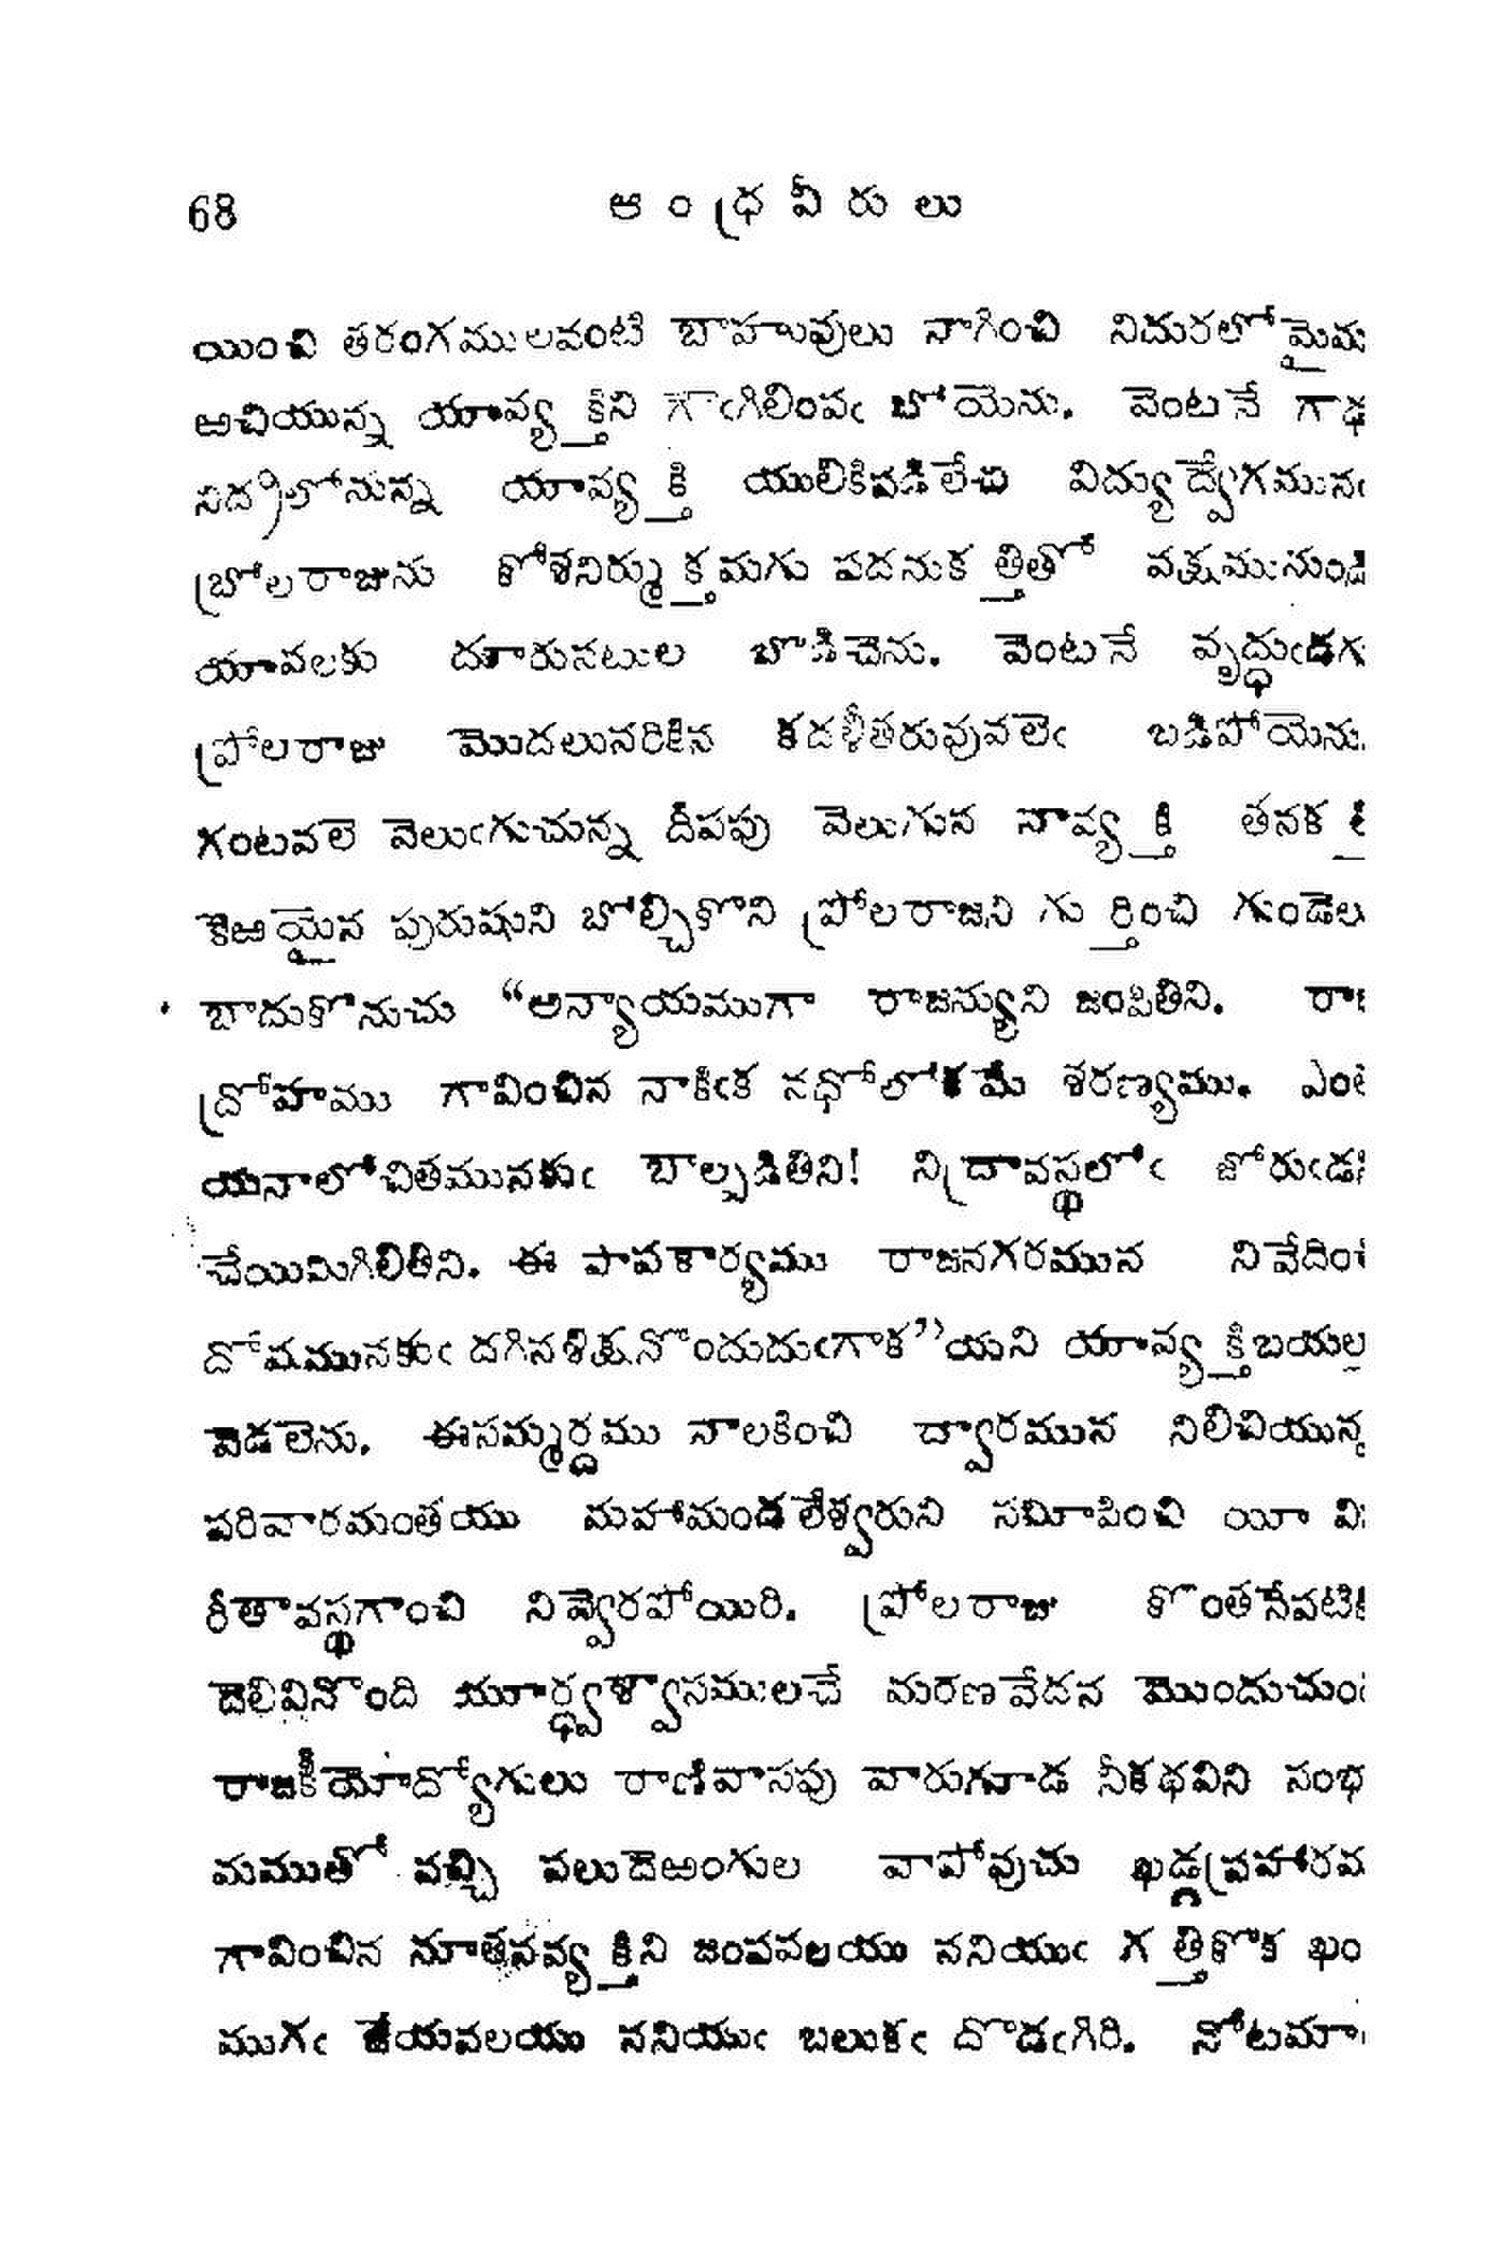యించి తరంగముల వంటి బాహువులు సాగించి నిదురలో మైమఱచియున్న యావ్యక్తిని గౌగిలింప బోయెను. వెంటనే గాఢనిద్రలో నున్న యావ్యక్తి యులికిపడి లేచి విద్యుద్వేగమున బ్రోలరాజును కోశనిర్ముక్తమగు పదనుకత్తితో వక్షమునుండి యావలకు దూరునటుల బొడిచెను. వెంటనే వృద్ధుడగు ప్రోలరాజు మొదలు నరికిన కదళీతరువు వలె బడిపోయెను. గంటవలె వెలుగుచున్న దీపపు వెలుగున నావ్యక్తి తనకత్తి కెఱయైన పురుషుని బోల్చికొని ప్రోలరాజని గుర్తించి గుండెల బాదుకొనుచు "అన్యాయముగా రాజన్యుని జంపితిని. రాజద్రోహము గావించిన నాకిక నధోలోకమే శరణ్యము. ఎంత యనాలోచితమునకు బాల్పడితిని! నిద్రావస్థలో జోరుడని చేయిమిగిలితిని. ఈ పాపకార్యము రాజనగరమున నివేదించి దోషమునకు దగినశిక్ష నొందుదుగాక"యని యావ్యక్తి బయలు వెడలెను. ఈసమ్మర్దము నాలకించి ద్వారమున నిలిచియున్న పరివార మంతయు మహామండలేశ్వరుని సమీపించి యీ విపరీతావస్థగాంచి నివ్వెరపోయిరి. ప్రోలరాజు కొంతసేపటికి దెలివినొంది యూర్థ్వశ్వాసములచే మరణవేదన మొందుచుండ రాజకీయోద్యోగులు రాణివాసపు వారుగూడ నీకథవిని సంభర మముతో వచ్చి పలుదెఱంగుల వాపోవుచు ఖడ్గప్రహారము గావించిన నూతన వ్యక్తి జంప వలయుననియు గత్తికొక ఖండముగ జేయవలయు ననియు బలుక దొడగిరి. నోటమాట